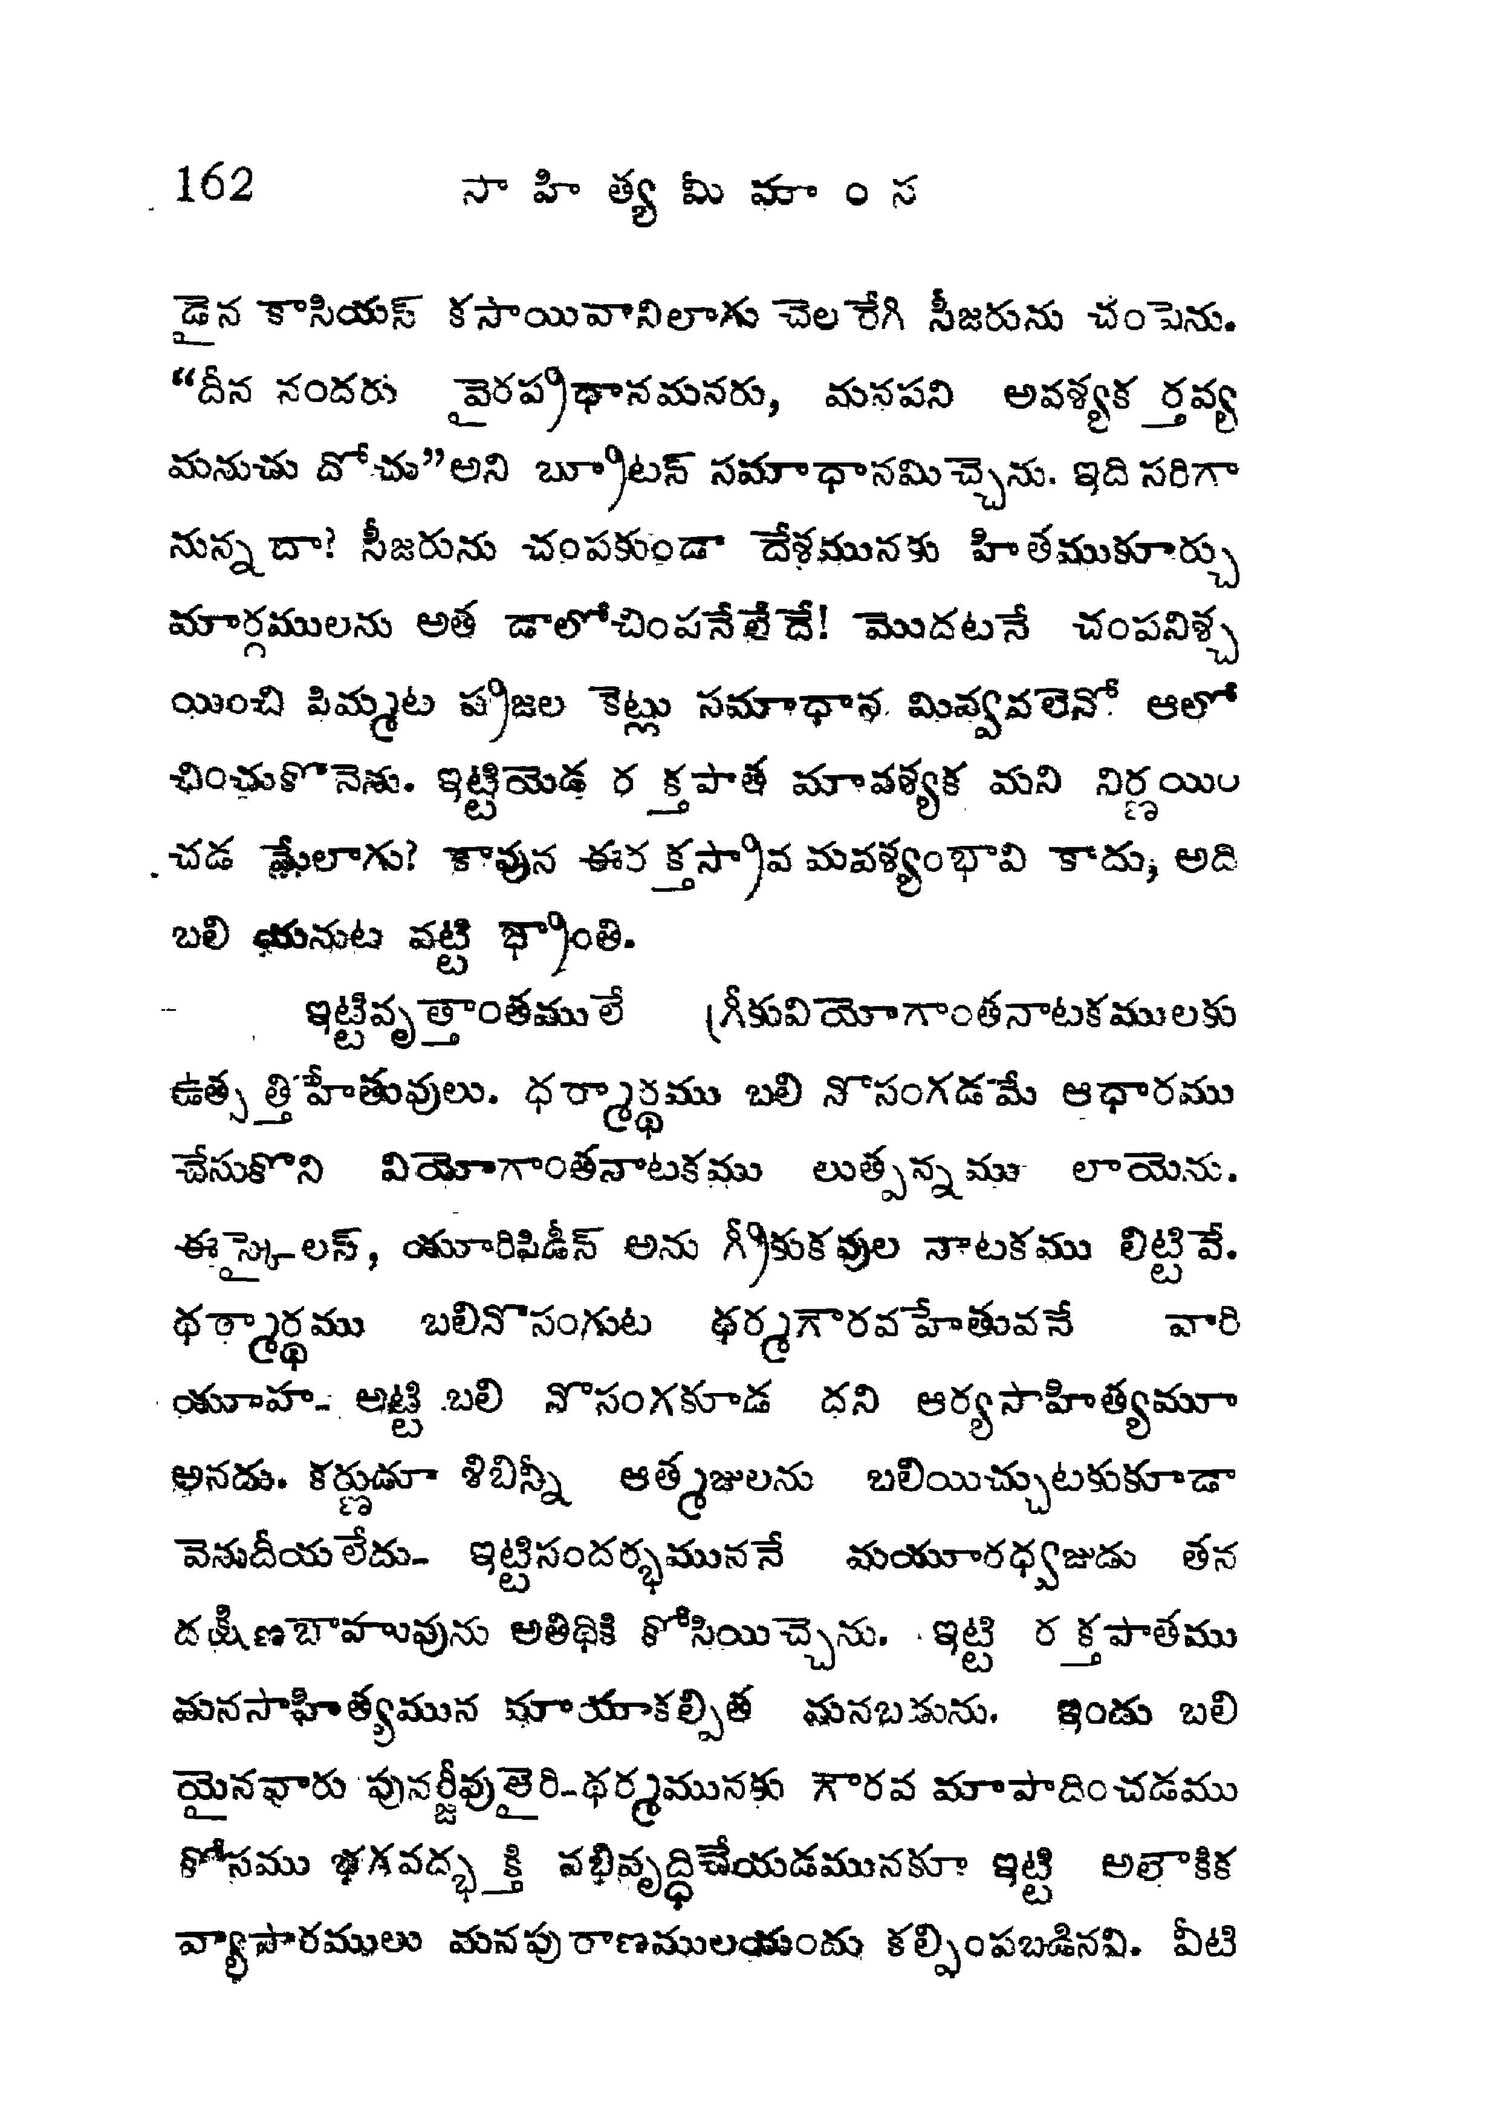డైన కాసియస్ కసాయివానిలాగు చెల రేగి సీజరును చంపెను. "దీన నందరు వైరప్రధానమనరు, మనపని అవశ్యకర్తవ్య మనుచు దోచు"అని బ్రూటస్ సమాధానమిచ్చెను. ఇది సరిగా నున్నదా? సీజరును చంపకుండా దేశమునకు హితముకూర్చు మార్గములను అత డాలోచింపనేలేదే! మొదటనే చంపనిశ్చయించి పిమ్మట ప్రజల కెట్లు సమాధాన మివ్వవలెనో ఆలోచించుకొనెను. ఇట్టియెడ రక్తపాత మావశ్యక మని నిర్ణయించడ మేలాగు? కావున ఈరక్తస్రావ మవశ్యంభావి కాదు, అది బలి యనుట వట్టి భ్రాంతి.

ఇట్టివృత్తాంతములే గ్రీకువియోగాంతనాటకములకు ఉత్పత్తిహేతువులు. ధర్మార్థము బలి నొసంగడమే ఆధారము చేసుకొని వియోగాంతనాటకము లుత్పన్నము లాయెను. ఈస్కైలస్, యూరిపిడీస్ అను గ్రీకుకవుల నాటకము లిట్టివే. థర్మార్థము బలినొసంగుట ధర్మగౌరవహేతువనే వారి యూహ - అట్టి బలి నొసంగకూడ దని ఆర్యసాహిత్యమూ అనదు. కర్ణుడూ శిబిన్నీ ఆత్మజులను బలియిచ్చుటకుకూడా వెనుదీయలేదు - ఇట్టిసందర్భముననే మయూరధ్వజుడు తన దక్షిణబాహువును అతిథికి కోసియిచ్చెను. ఇట్టి రక్తపాతము మనసాహిత్యమున మాయాకల్పిత మనబడును. ఇందు బలియైనవారు పునర్జీవులైరి - థర్మమునకు గౌరవ మాపాదించడము కోసము భగవద్భక్తి నభివృద్ధిచేయడమునకూ ఇట్టి అలౌకిక వ్యాపారములు మనపురాణములయందు కల్పింపబడినవి. వీటి